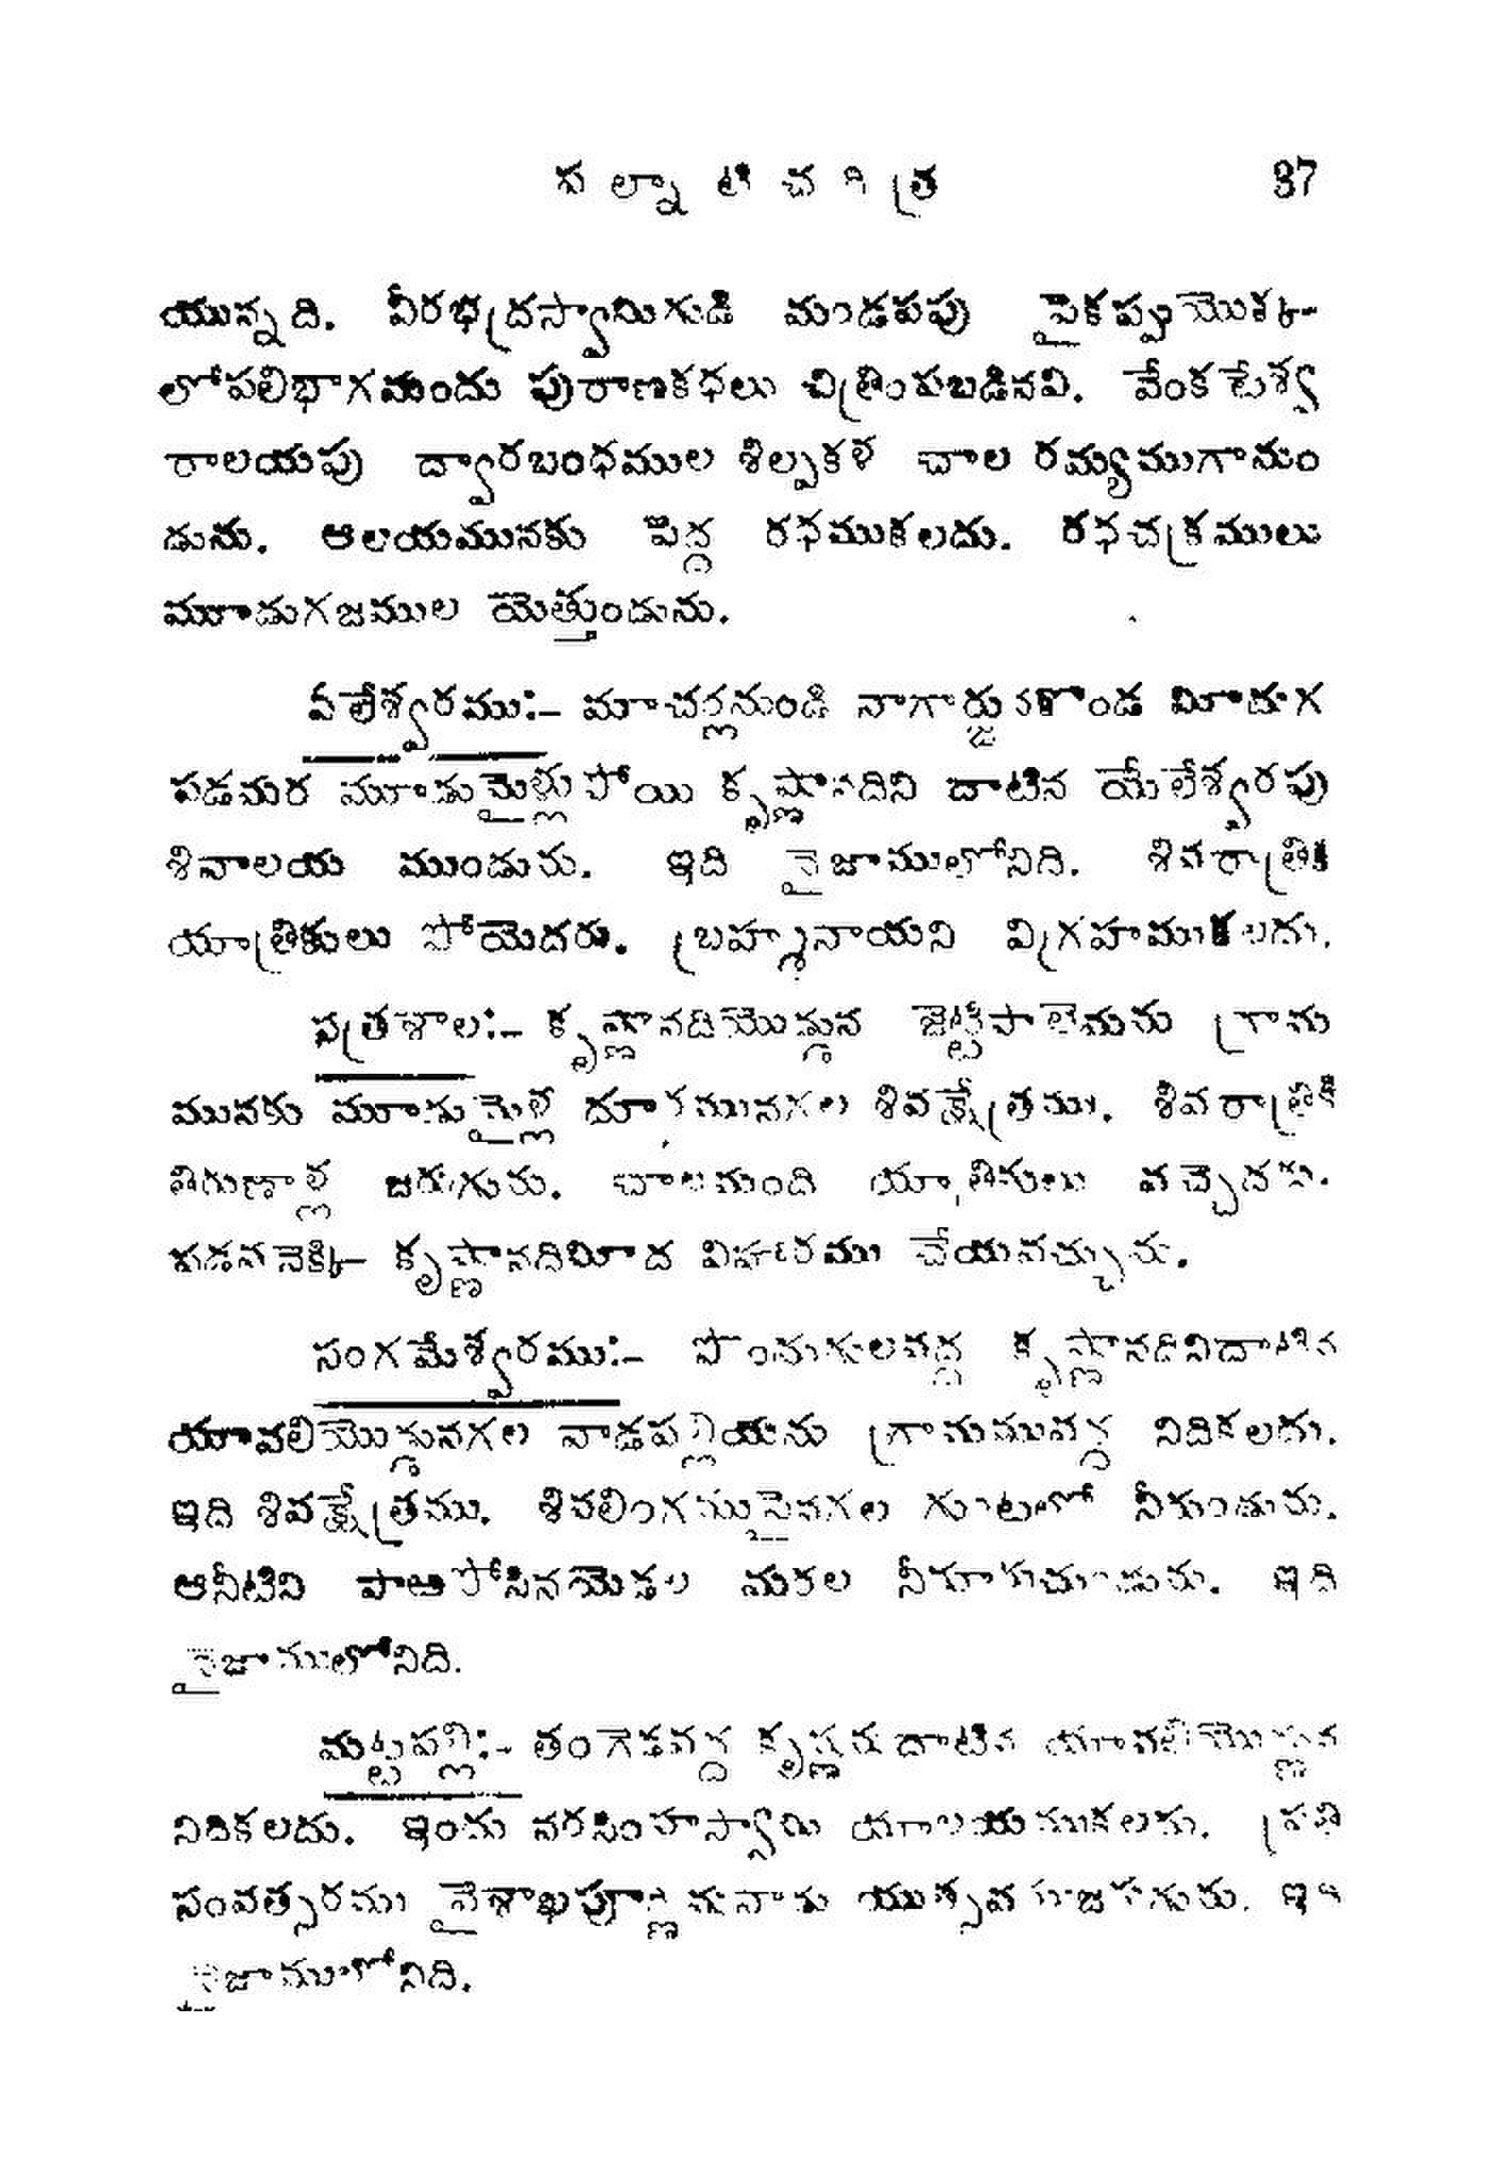యున్నది. వీరభద్రస్వామి గుడి మండపపు పైకప్పు యొక్క
లోపలిభాగమందు పురాణకధలు చిత్రింపబడినవి. వేంకటేశ్వరాలయపు 
ద్వారబంధముల శిల్పకళ చాల రమ్యముగానుండును. 
ఆలయమునకు పెద్ద రధముకలదు. రధచక్రములు
మూడు గజముల యెత్తుండును.

ఏలేశ్వరము:-
మాచర్ల నుండి నాగార్జునకొండ మీదుగ పడమర మూడుమైళ్లుపోయి 
కృష్ణానదిని దాటిన యేలేశ్వరపు శివాలయ ముండును 
ఇది నైజాములోనిది. శివరాత్రికి యాత్రికులు పోయెదరు. 
బ్రహ్మనాయని విగ్రహముకలదు.

సత్రశాల:- కృష్ణానదియొగ్గున జెట్టిపాలెమను గ్రామమునకు 
మూడు మైళ్ల దూరమునగల శివక్షేత్రము, శివరాత్రికి
తిరుణాళ్ల జరుగును. చాలమంది యాత్రికులు వచ్చెదరు.
పడవనెక్కి కృష్ణానదిమీద విహారము చేయవచ్చును.

సంగమేశ్వరము:- పొందుగుల వద్ద కృష్ణానదిని దాటిన
యావలి యొడ్డునగల వాడపల్లియను గ్రామము వద్ద నిదికలదు.
ఇది శివక్షేత్రము. శివలింగముపైనగల గుంటలో నీరుండును.
ఆనీటిని పాఱపోసినయెడల మరల నీరూరుచుండును. ఇది
నైజాములోనిది.

మట్టపల్లి:- తంగెడ వద్ద కృష్ణనదాటిన యావలి యొడ్డున
నిదికలదు. ఇందు నరసింహస్వామి యాలయముకలదు. ప్రతి
సంవత్సరము వైశాఖ పూర్ణిమ నాకు యుత్సవము జరుగును. ఇది 
నైజాములోనిది.
O